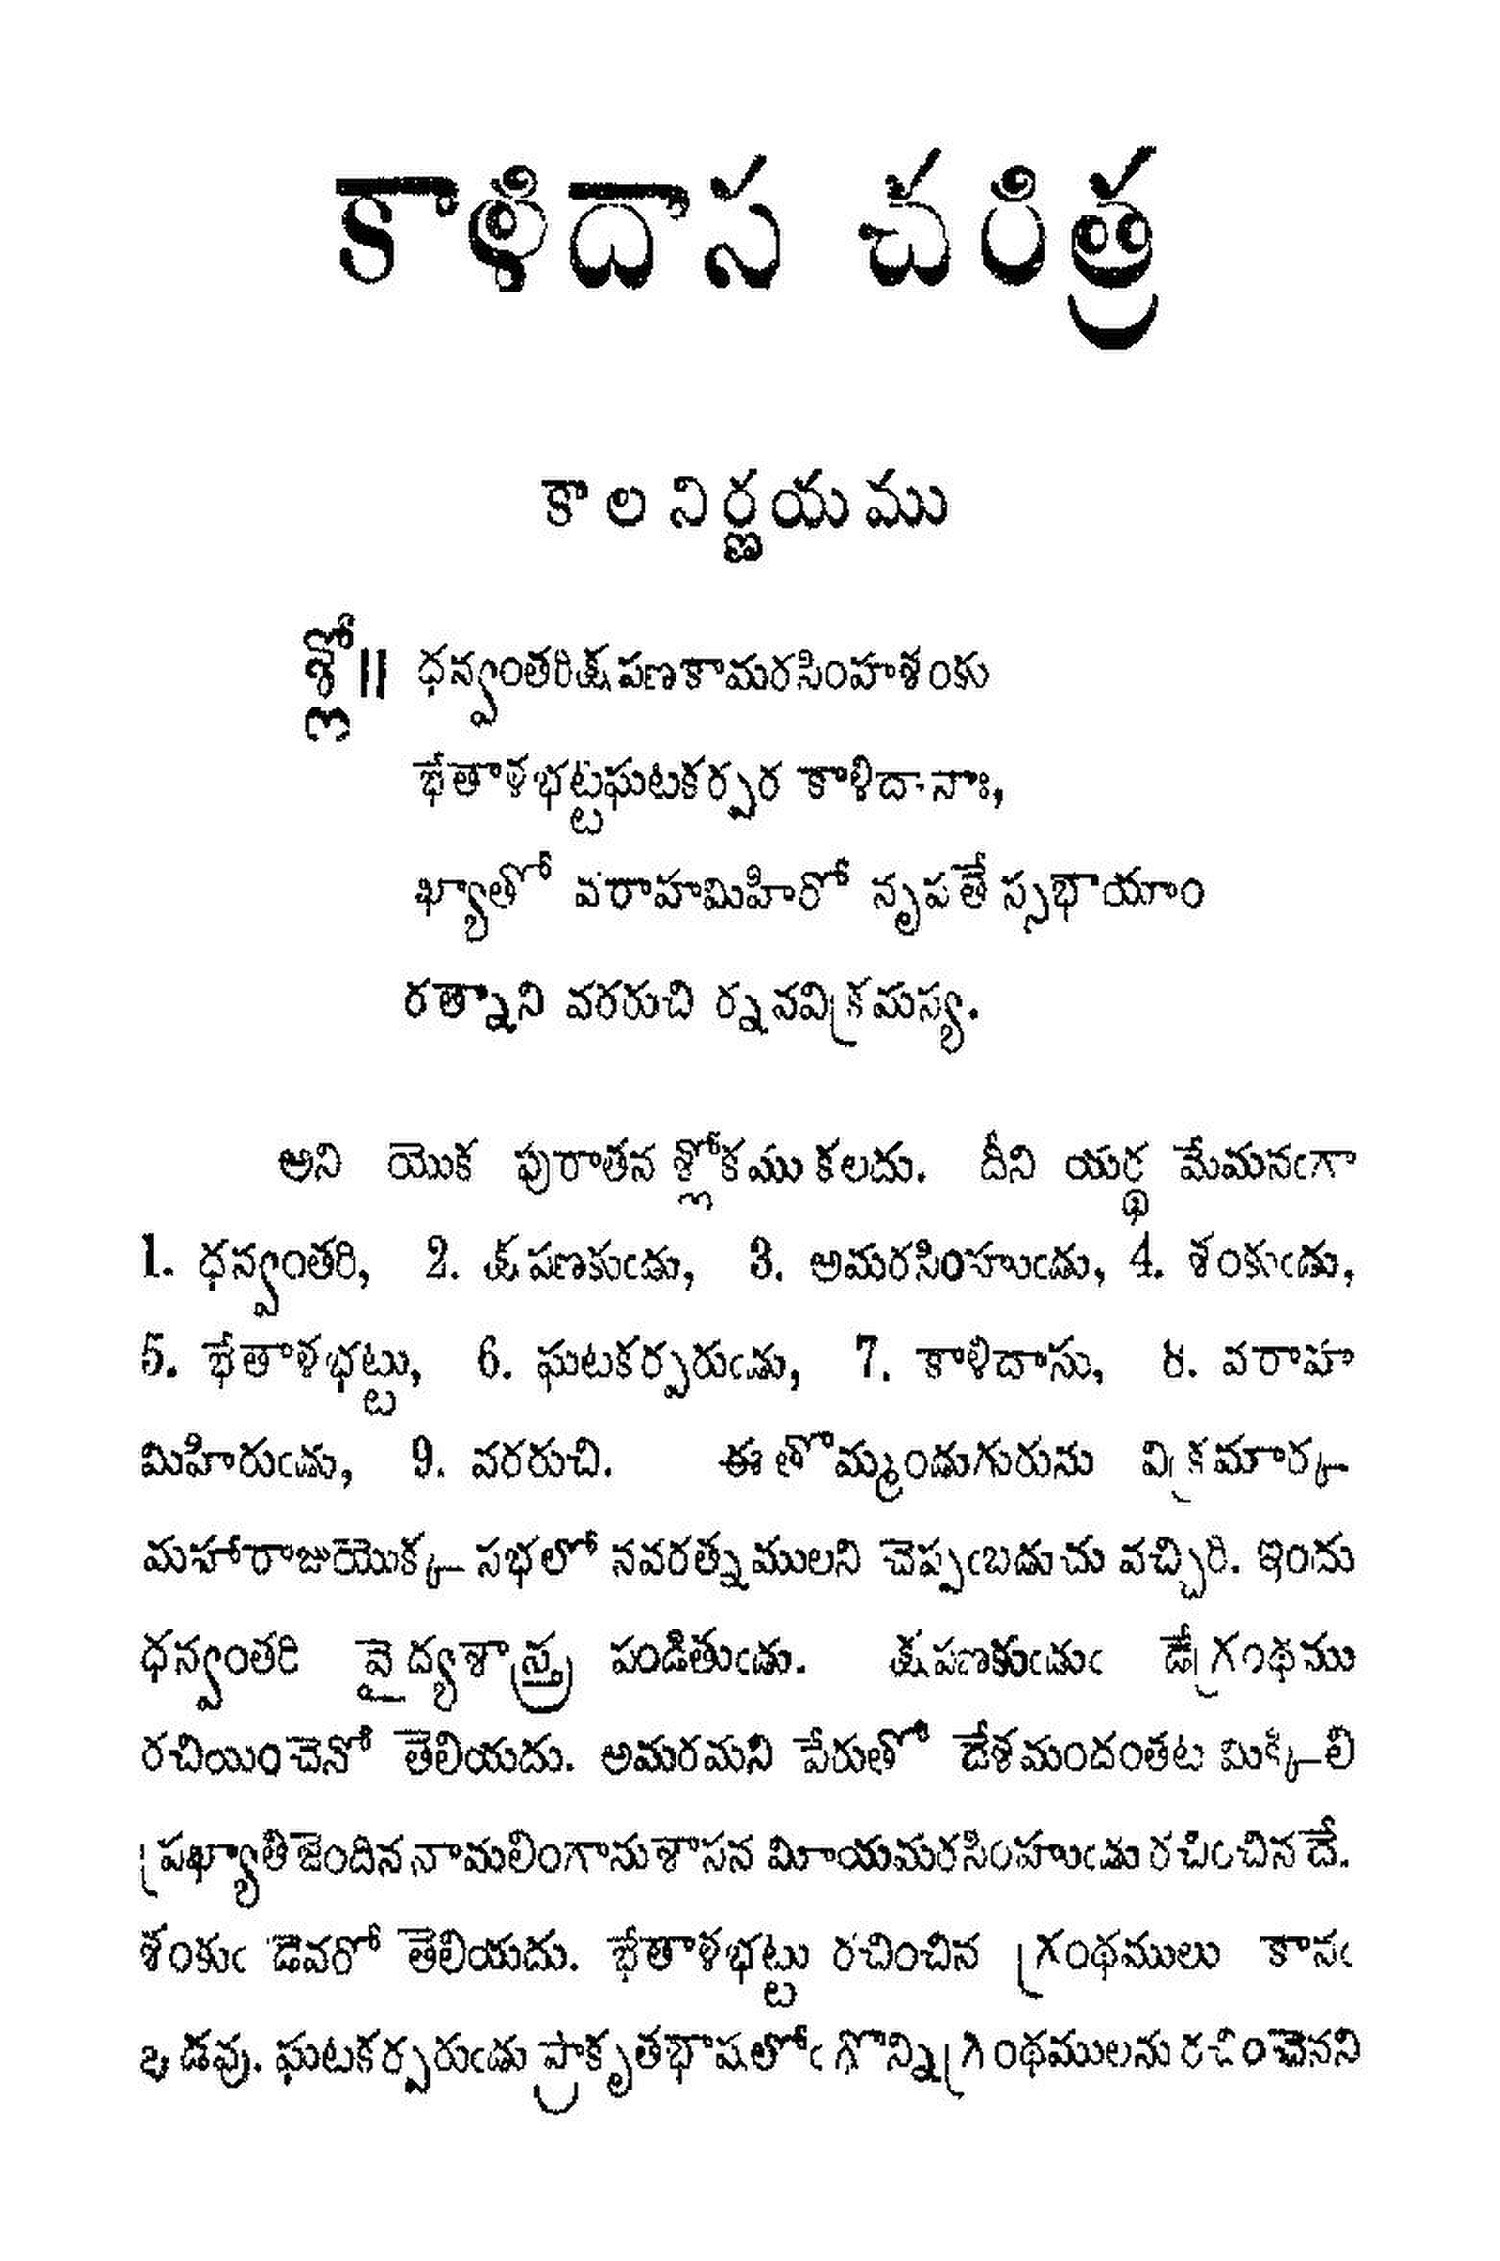కాళిదాస చరిత్ర

కాలనిర్ణయము

 శ్లో॥ధన్వంతరిక్షపణకామరసింహశంకు
 భేతాళభట్టఘటకర్పర కాళిదా.సా:, 
 ఖ్యాతో వరాహమిహిరో నృపతేస్సభాయాం
 రత్నాని వరరుచి ర్నవవిక్రమస్య.

 
అనియొక పురాతన శ్లోకముకలదు. దీని యర్ధ మేమనగా 1. ధన్వంతరి, 2. క్షపణకుఁడు, 3. అమరసింహుఁడు, 4. శంకుఁడు, 5. భేతాళభట్టు, 6. ఘటకర్పరుఁడు, 7. కాళిదాసు, 8. వరాహమిహిరుడు, 9. వరరుచి. ఈతొమ్మండుగురును విక్రమార్క మహారాజుయొక్క సభలో నవరత్నములని చెప్పఁబడుచు వచ్చిరి. ఇందు ధన్వంతరి వైధ్యశాస్త్ర పండితుడు. క్షపణకుఁడుఁ డేగ్రంథము రచియించెనో తెలియదు. అమరమని పేరుతో దేశమందంతట మిక్కిలి ప్రఖ్యాతిజెందిననామలింగానుశాసన మీయమరసింహుఁడు రచించినదే. శెంకుఁడెవరో తెలియదు. భేతాళభట్టు రచించిన గ్రంధములు కానఁబడవు. ఘటకర్పరుఁడుప్రాకృతభాషలోఁ గొన్ని గ్రంథములను రచించెనని